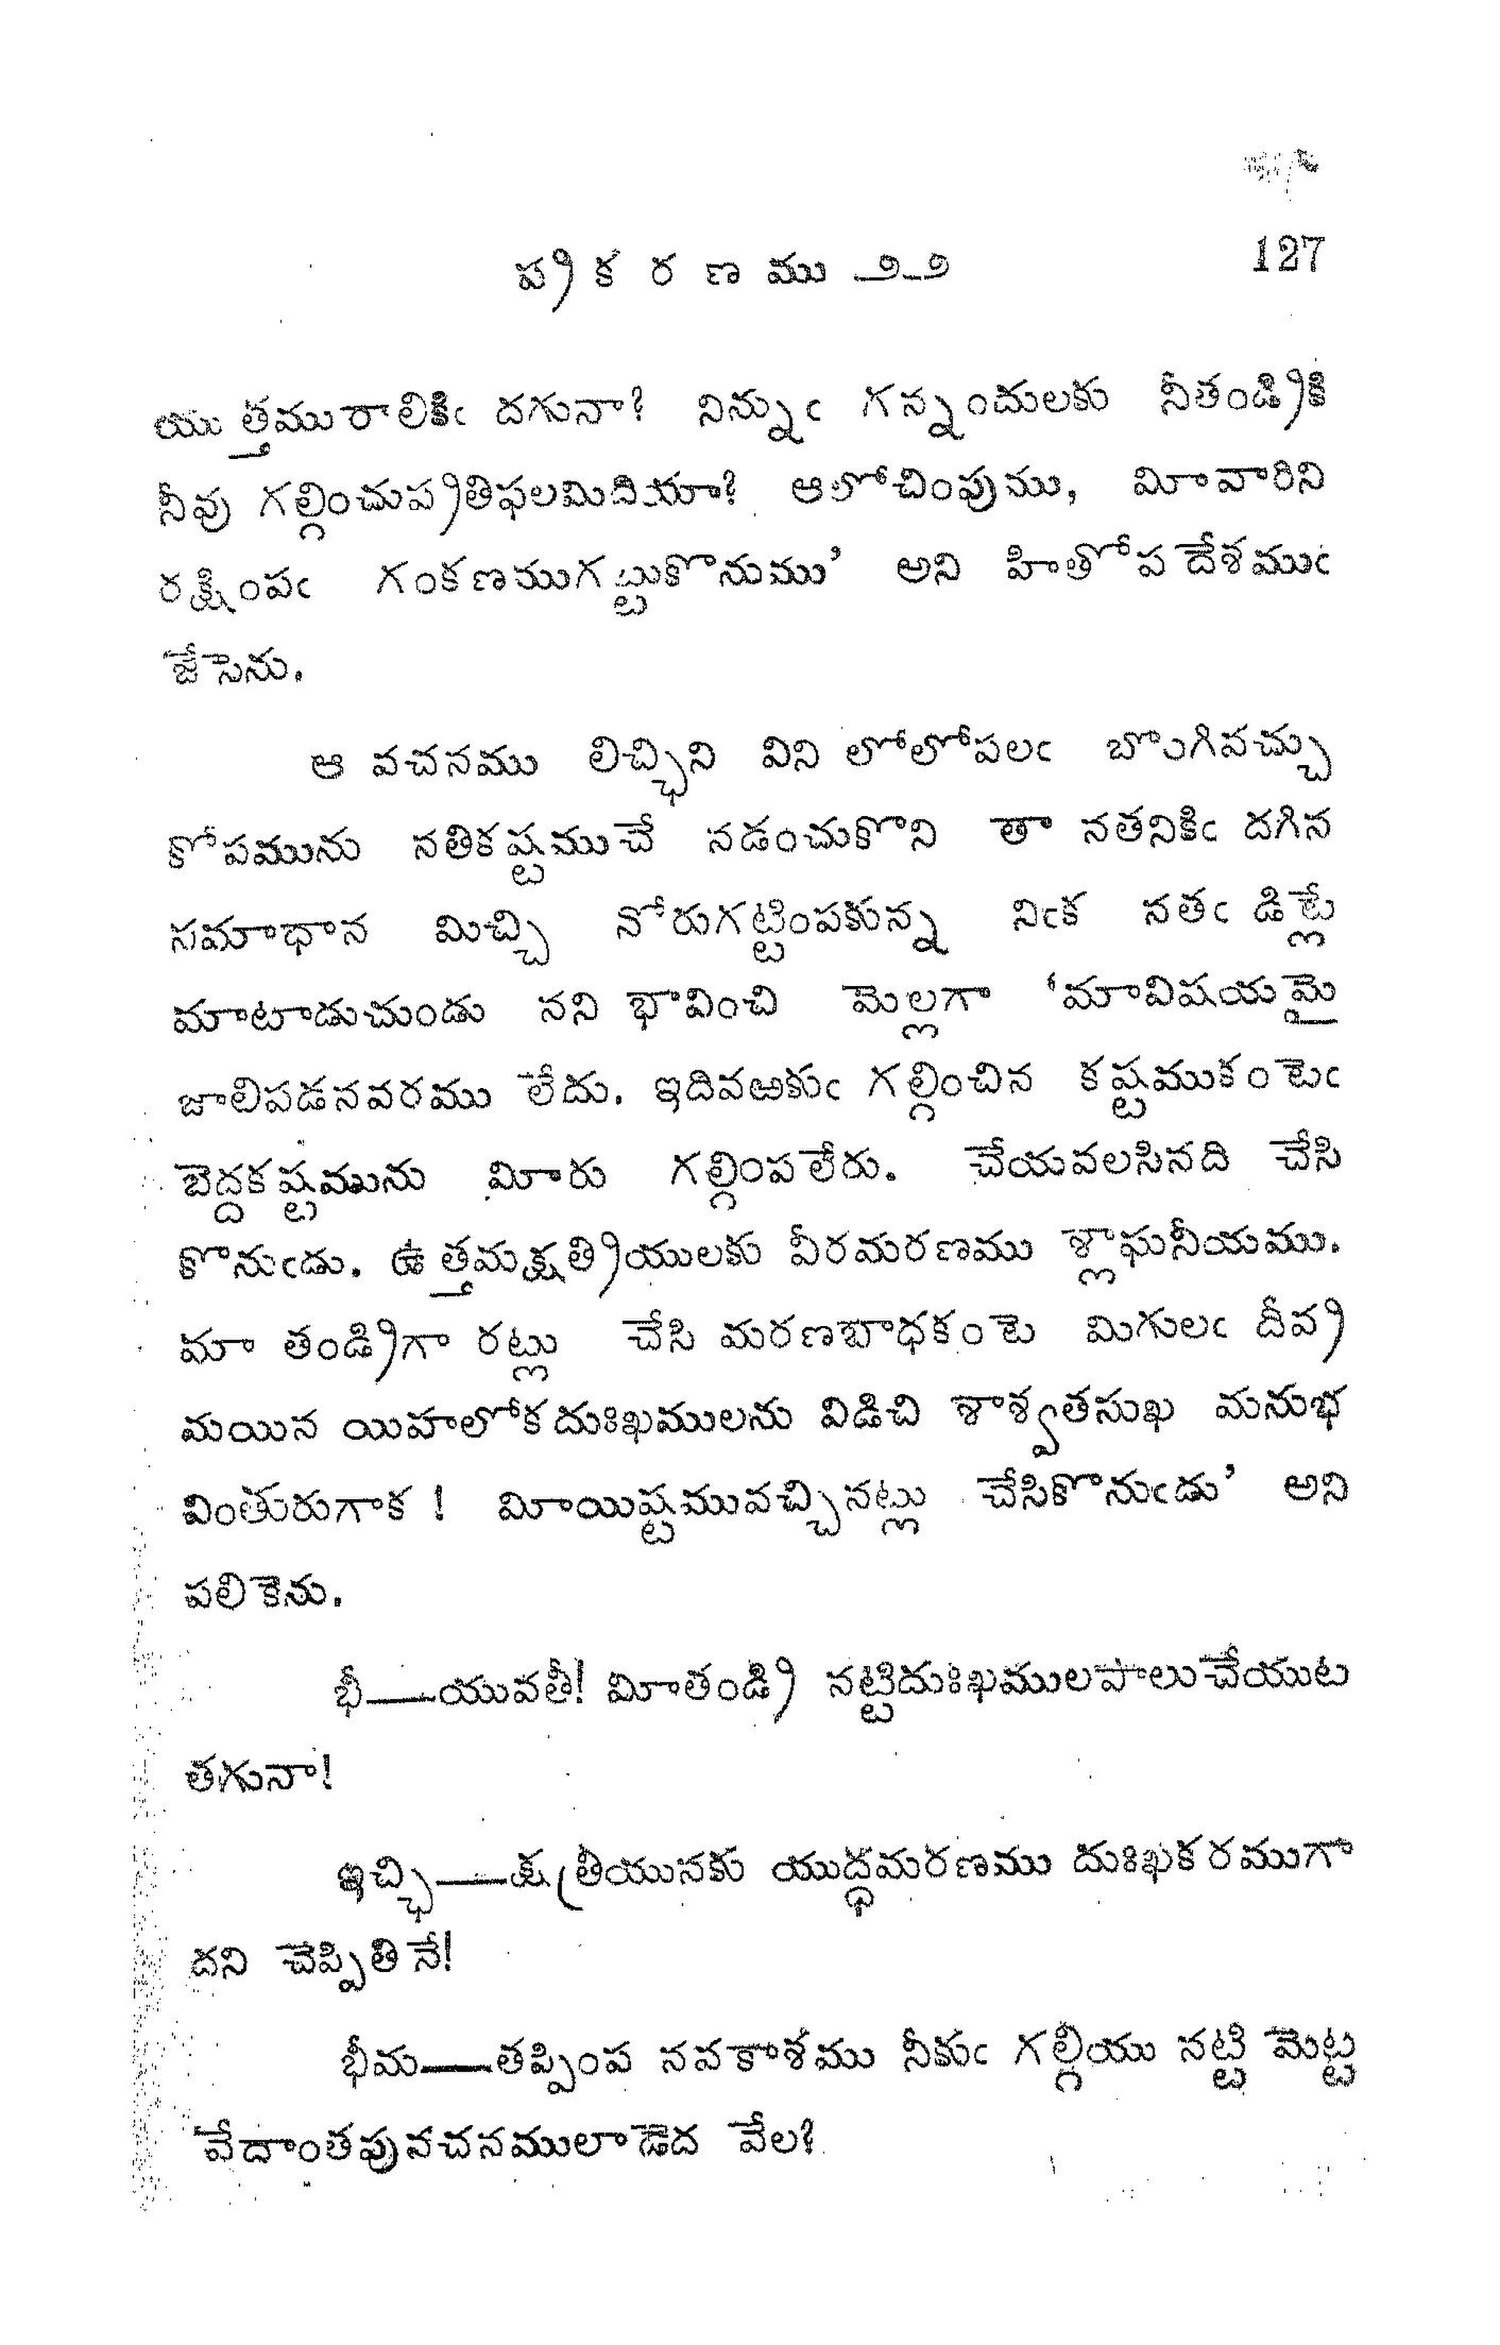యు త్తమురాలికిఁ దగునా? నిన్నుఁ గన్నందులకు నీతండ్రికి నీవు గల్గించు మతిఫలమిదియా? ఆలోచింపుము, మివారిని రక్షింపఁ గంకణముగట్టుకొనుము' అని హితోప దేశముఁ "జేసెను.

ఆ వచనము లిచ్ఛిని విని లోలోపలఁ బొంగివచ్చు కోపమును నతికష్టముచే నడంచుకొని తా నతనికిఁ దగిన సమాధాన మిచ్చి నోరుగట్టింపకున్న నిక నతఁ డిట్లే మాటాడుచుండు నని భావించి మెల్లగా 'మావిషయమై జాలిపడనవరము లేదు. ఇదివఱకుఁ గల్గించిన కష్టముకంటెఁ బెద్దకష్టమును మీరు గల్గింప లేరు. చేయవలసినది చేసి కొనుఁడు. ఉత్తమ క్షత్రియులకు వీరమరణము శ్లాఘనీయము. మా తండ్రిగా రట్లు చేసి మరణబాధకంటే మిగులఁ దీవ్ర మయిన యిహలోక దుఃఖములను విడిచి శాశ్వతసుఖ మనుభ వింతురుగాక ! వాయిష్టమువచ్చినట్లు చేసికొనుఁడు' అని పలికెను.

భీ:- యువతీ! మీతండి నట్టిదుఃఖములపాలు చేయుట తగునా! ఇచ్ఛి: — శత్రీయునకు యుద్ధమరణము దుఃఖకరముగా దని చెప్పితి నే!

భీమ: — తప్పింప నన కాశము నీకుఁ గల్గియు నట్టి మెట్ట వేదాంతపు వచనములాడెద వేల? |

|